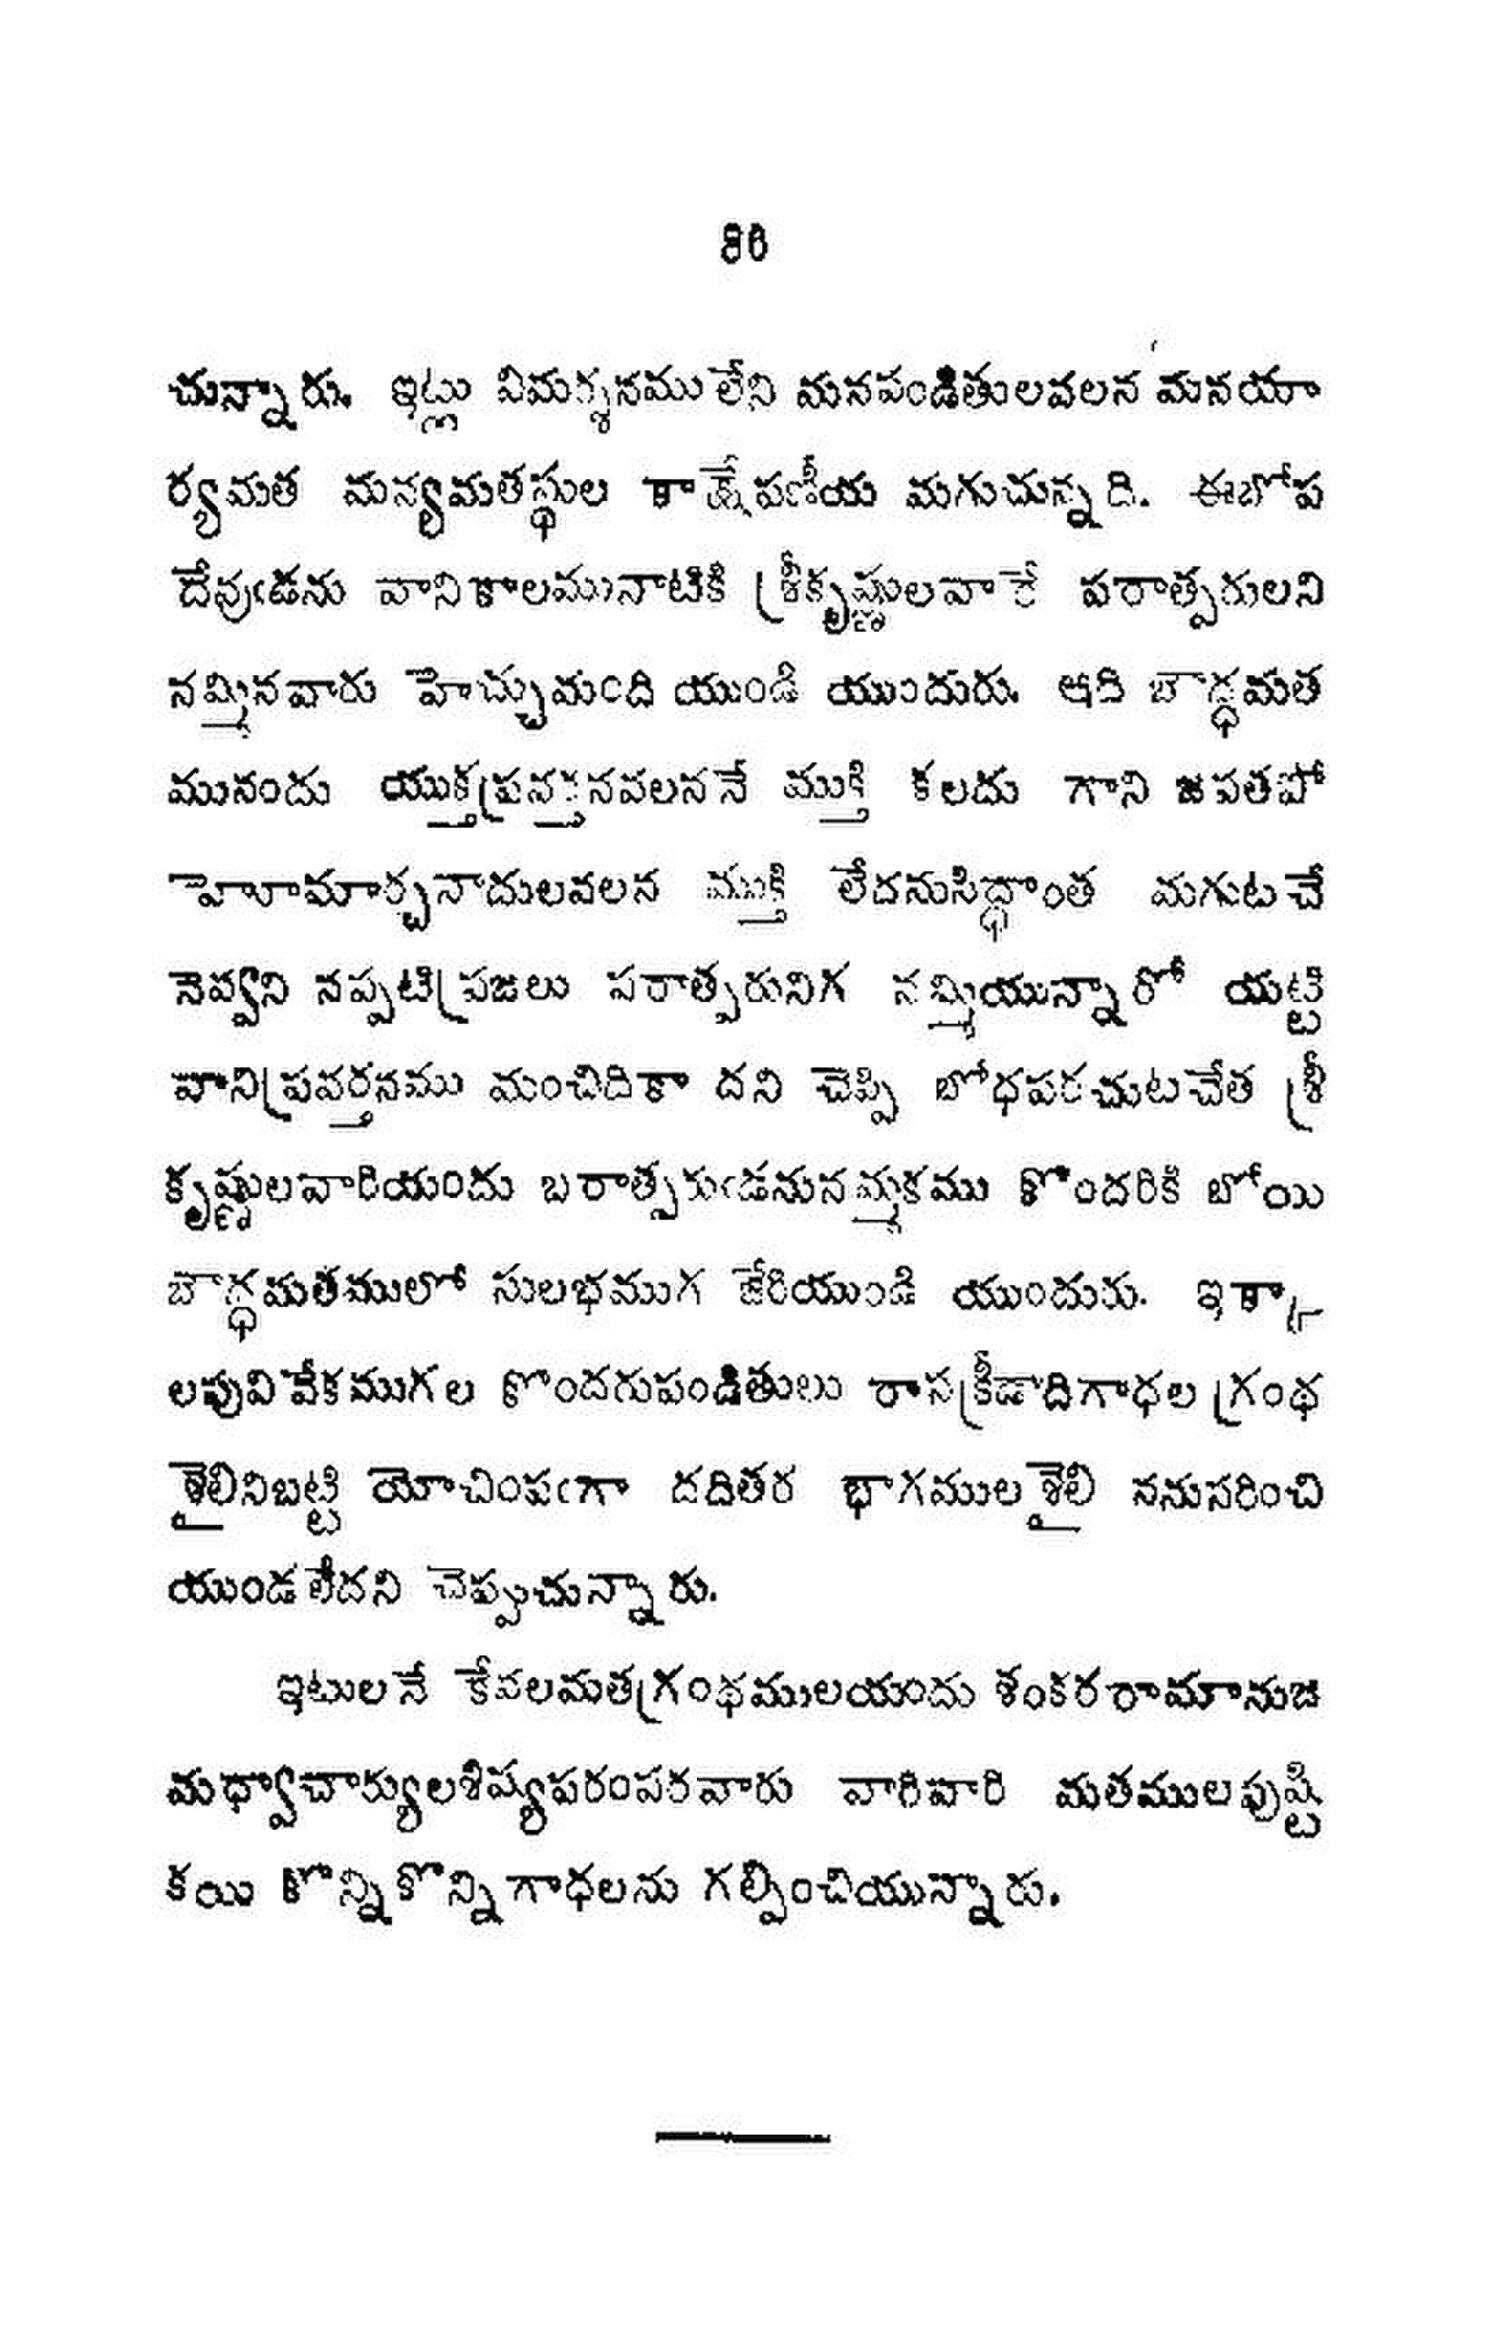చున్నారు. ఇట్లు విమర్శనము లేని మనపండితులవలన మనయార్యమత మన్యమతస్థుల కాక్షేపణీయ మగుచున్నది. ఈబోపదేవుఁడను వానికాలమునాటికి శ్రీకృష్ణులవారే పరాత్పరులని
నమ్మినవారు హెచ్చుమంది యుండి యుందురు. అది బౌద్ధమతమునందు యుక్తప్రవర్తనవలననే ముక్తి కలదు గాని జపతపోహోమార్చనాదులవలన ముక్తి లేదనుసిద్ధాంత మగుటచే నెవ్వని నప్పటి ప్రజలు పరాత్పరునిగ నమ్మియున్నారో యట్టి వానిప్రవర్తనము మంచిది కాదని చెప్పి బోధపడచుటచేత శ్రీకృష్ణులవారియందు బరాత్పరుఁడనునమ్మకము కొందరికి బోయి బౌద్ధమతములో సులభముగ జేయుండి యుందురు. ఇక్కాలవువివేకముగల కొందరుపండితులు రాసక్రీడాదిగాధల గ్రంథశైలినిబట్టి యోచింపఁగా దదితర భాగములశైలి ననుసరించి యుండలేదని చెప్పుచున్నారు.

ఇటులనే కేవలమతగ్రంథములయందు శంకరరామానుజ మధ్వాచార్యులశిష్యపరంపరవారు వారివారి మతముల పుష్టికయి కొన్ని కొన్ని గాధలను గల్పించియున్నారు.

__________